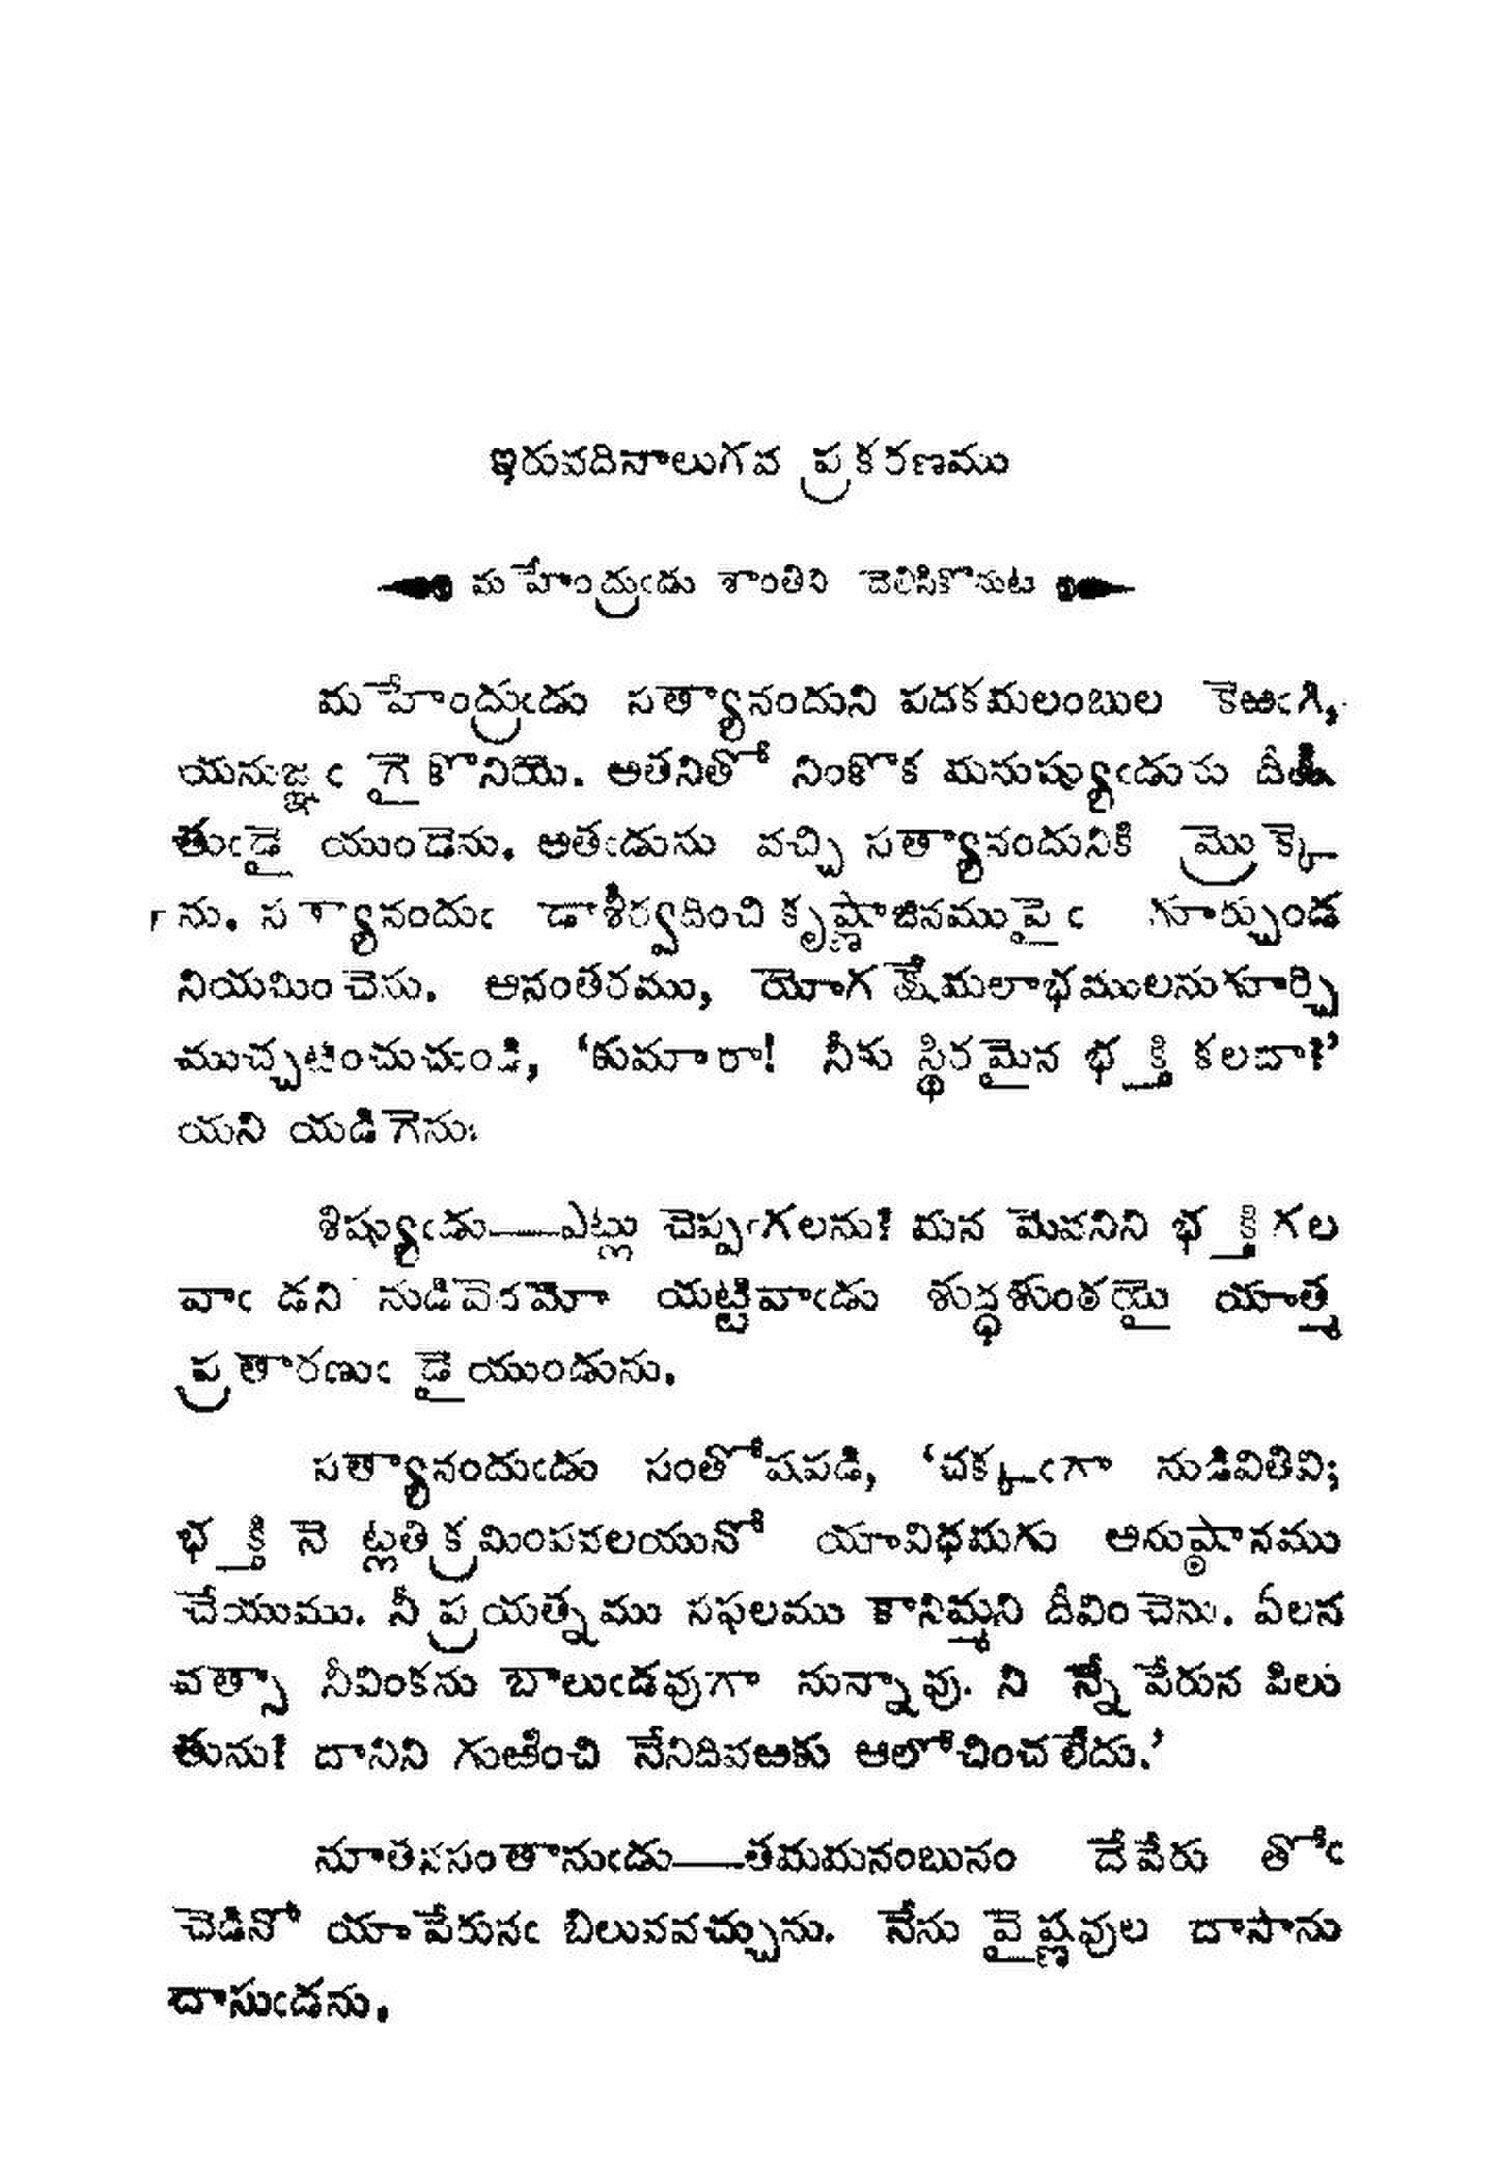ఇరువదినాలుగవ ప్రకరణము

మహేంద్రుఁడు శాంతిని దెలిసికొనుట

మహేంద్రుడు సత్యానందుని పదకమలంబుల కెఱఁగి, యనుజ్ఞఁ గైకొనియె. అతనితో నింకొక మనుష్యుఁడును దీక్షితుండై యుండెను. అతఁడును వచ్చి సత్యానందునికి మ్రొక్కెను, సత్యానందుఁ డాశీర్వదించి కృష్ణాజినము పైఁ గూర్చుండ
నియమించెను, అనంతరము, యోగ క్షేమలాభములను గూర్చి ముచ్చటించుచుండి, 'కుమారా! నీకు స్థిరమైన భక్తి కలదా?'
యని యడిగెను.

శిష్యుఁడు—— ఎట్లు చెప్పఁగలను? మన మెవనిని భక్తిగల వాఁడని నుడివెదమో యట్టివాఁడు శుద్ధ శుంఠయై యాత్మ ప్రతారణుఁ డై యుండును.

సత్యానందుఁడు సంతోషపడి, 'చక్కఁగా నుడివితివి; భక్తి నె ట్లతిక్రమింపవలయునో యావిధమగు అనుష్ఠానము చేయుము. నీ ప్రయత్నము సఫలము కానిమ్మని దీవించెను. ఏలన వత్సా నీవింకను బాలుఁడవుగా నున్నావు. నిన్నే పేరున పిలుతును? దానిని గుఱించి నేనిదివఱకు ఆలోచించలేదు.'

నూతనసంతానుఁడు—— తమమనంబునం దేపేరు తోఁచెడినో యా పేరునఁ బిలువవచ్చును. నేను వైష్ణవుల దాసాను
దాసుఁడను.